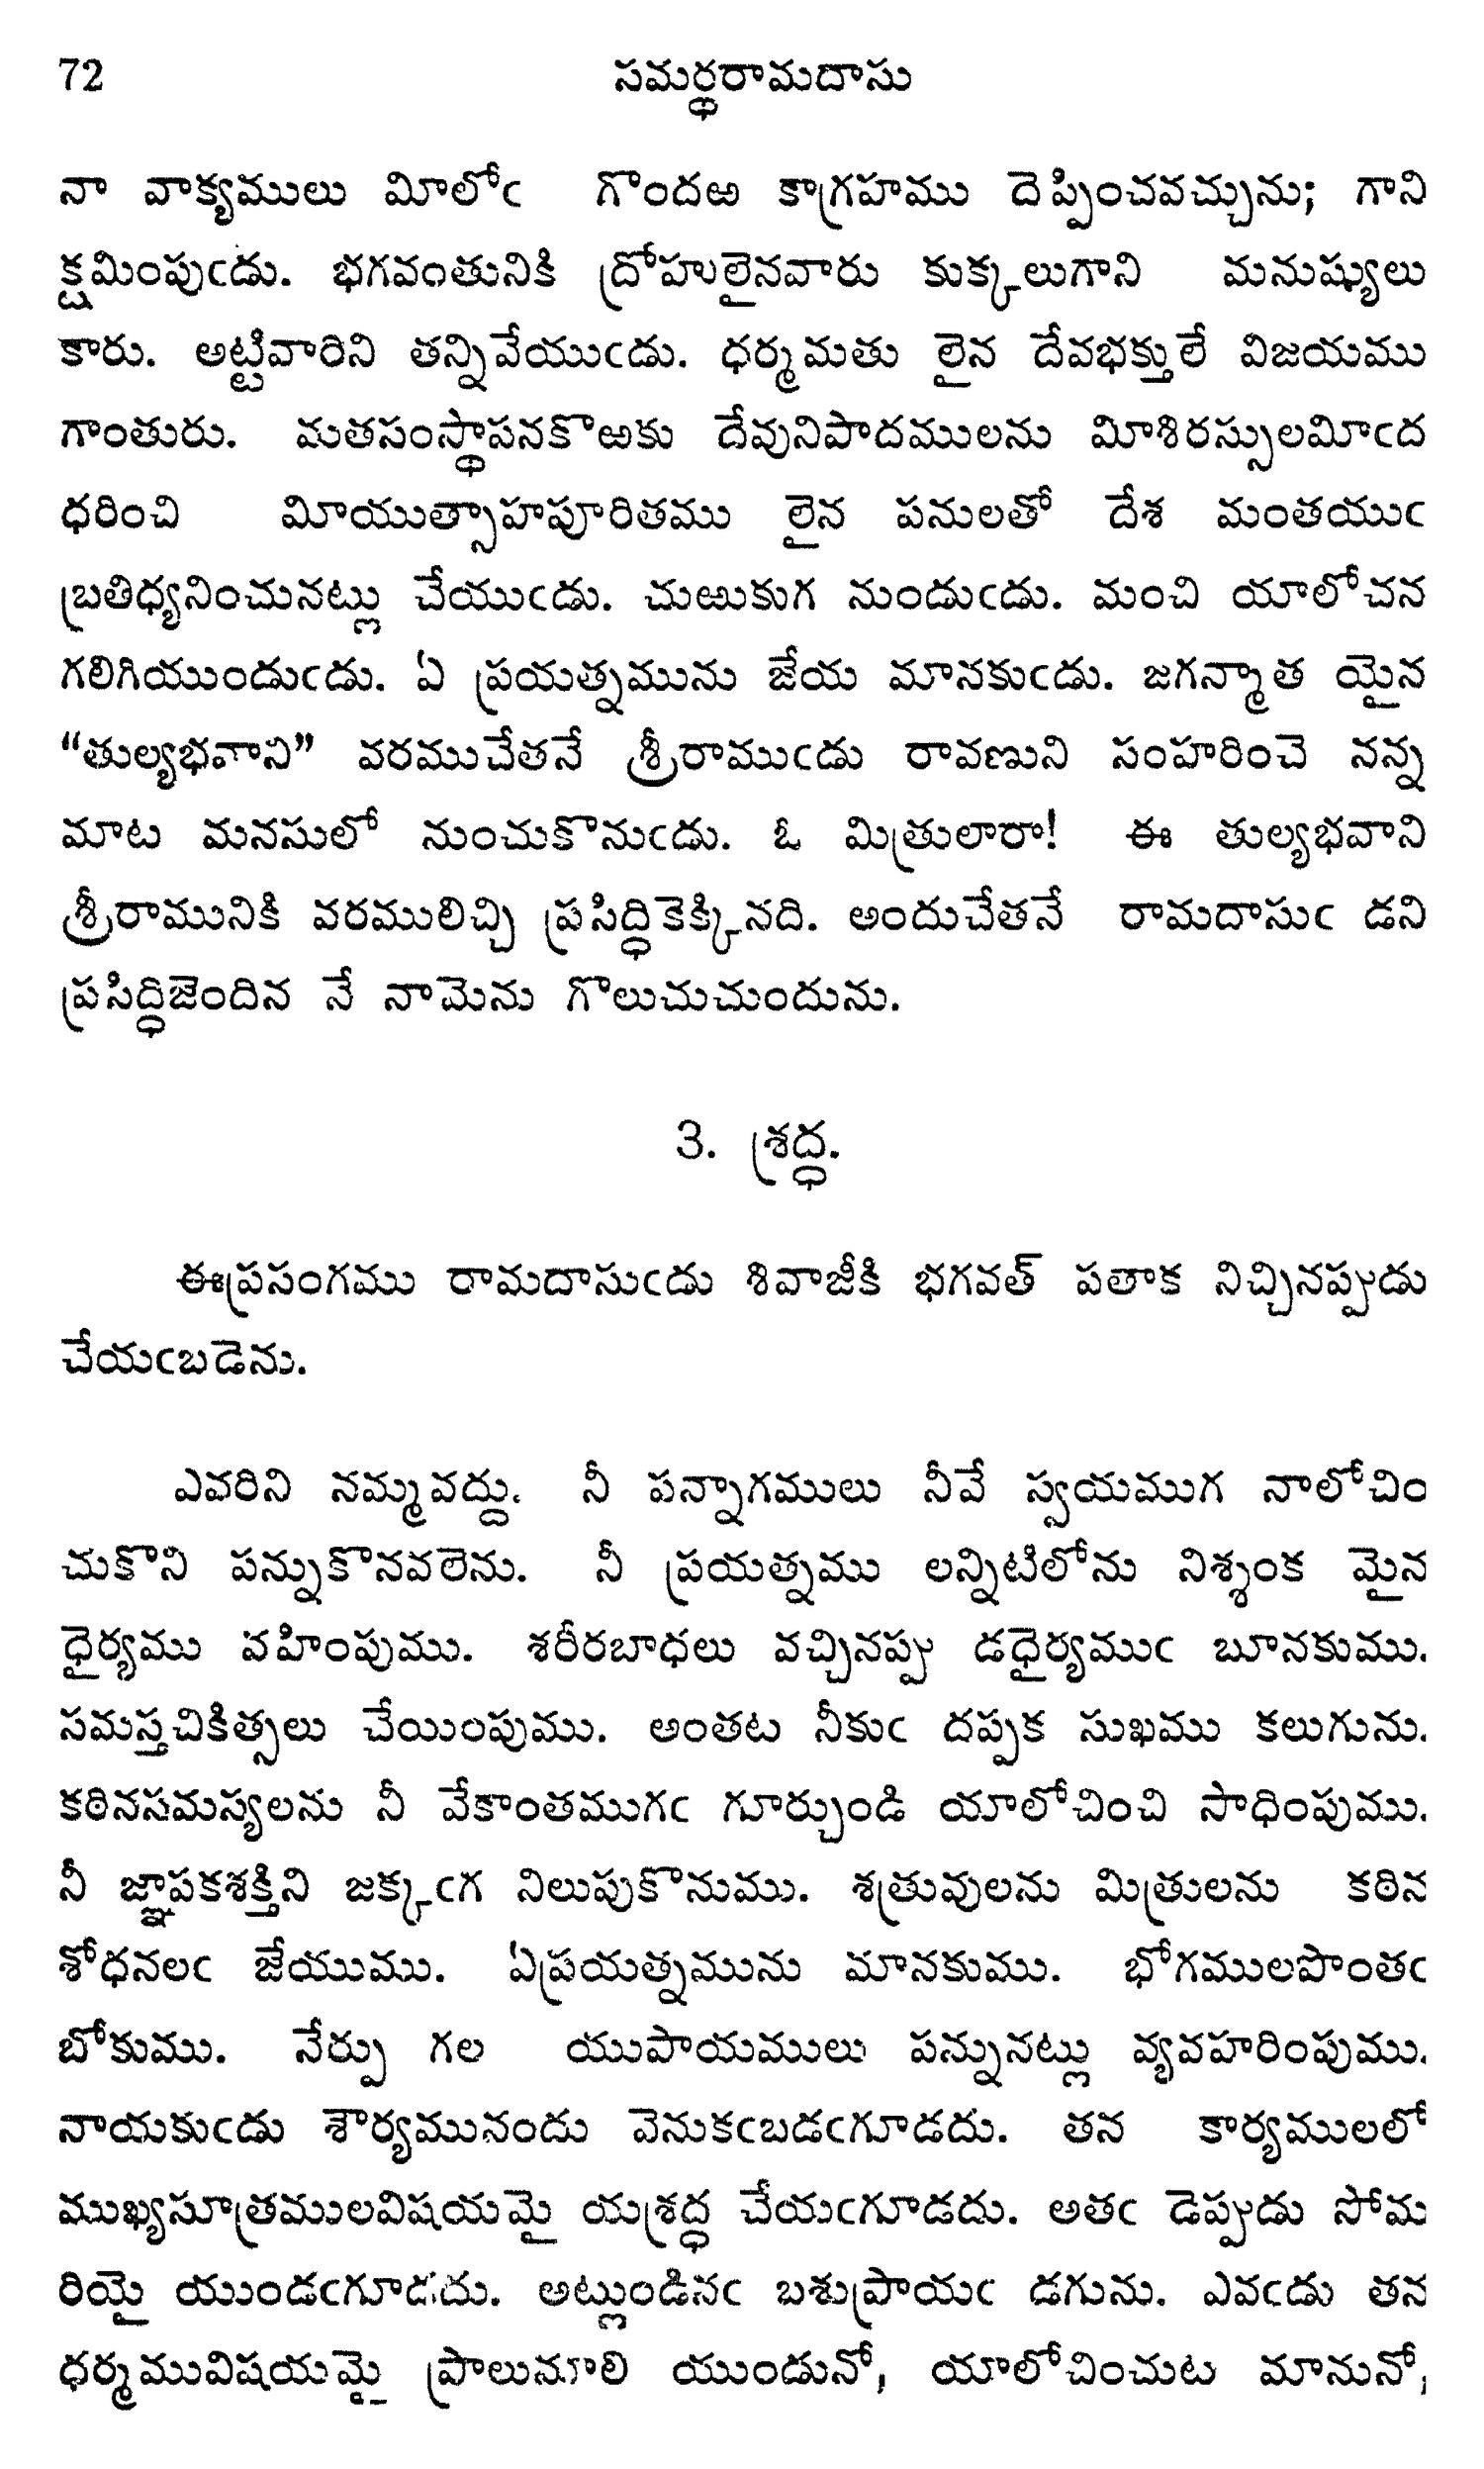నా వాక్యములు మీలో గొందఱ కాగ్రహము దెప్పించవచ్చును; గాని క్షమింపుడు. భగవంతునికి ద్రోహులైనవారు. కుక్కలుగాని మనుష్యులు కారు. ఆట్టివారిని తన్నివేయుడు. ధర్మమతు లైన దేవభక్తులే విజయము గాంతురు. మతసంస్థాపనకొఱకు దేవునిపాదములను మీశిరస్సులమీద ధరించి మీయుత్సాహపూరితము లైన పనులతో దేశ మంతయు బ్రతిధ్యనించునట్లు చేయుడు. చుఱుకుగ నుండుడు. మంచి యాలోచన గలిగియుండుడు. ఏ ప్రయత్నమును జేయ మానకుడు. జగన్మాత యైన "తుల్యభవాని" వరముచేతనే శ్రీరాముడు రావణుని సంహరించె నన్నమాట మనసులో నుంచుకొనుడు. ఓ మిత్రులారా! ఈ తుల్యభవాని శ్రీరామునికి వరములిచ్చి ప్రసిద్ధికెక్కినది. అందుచేతనే రామదాసు డని ప్రసిద్ధిజెందిన నే నామెను గొలుచుచుందును.

ఈప్రసంగము రామదాసుడు శివాజీకి భగవత్ పతాక నిచ్చినప్పుడు చేయబడెను.

ఎవరిని నమ్మవద్దు. నీ పన్నాగములు నీవే స్వయముగ నాలోచించుకొని పన్నుకొనవలెను. నీ ప్రయత్నము లన్నిటిలోను నిశ్శంక మైన ధైర్యము వహింపుము. శరీరబాధలు వచ్చినప్పు డధైర్యము బూనకుము. సమస్తచికిత్సలు చేయింపుము. అంతట నీకు దప్పక సుఖము కలుగును. కఠినసమస్యలను నీ వేకాంతముగ గూర్చుండి యాలోచించి సాధింపుము. నీ జ్ఞాపకశక్తిని జక్కగ నిలుపుకొనుము. శత్రువులను మిత్రులను కఠిన శోధనల జేయుము. ఏప్రయత్నమును మానకుము. భోగములపొంత బోకుము. నేర్పుగల యుపాయములు పన్నునట్లు వ్యవహరింపుము. నాయకుడు శౌర్యమునందు వెనుకబడగూడదు. తన కార్యములలో ముఖ్యసూత్రములవిషయమై యశ్రద్ధ చేయగూడదు. అత డెప్పుడు సోమరియై యుండగూడదు. అట్లుండిన బశుప్రాయ డగును. ఎవడు తన ధర్మమువిషయమై ప్రాలుమాలి యుండునో, యాలోచించుట మానునో,